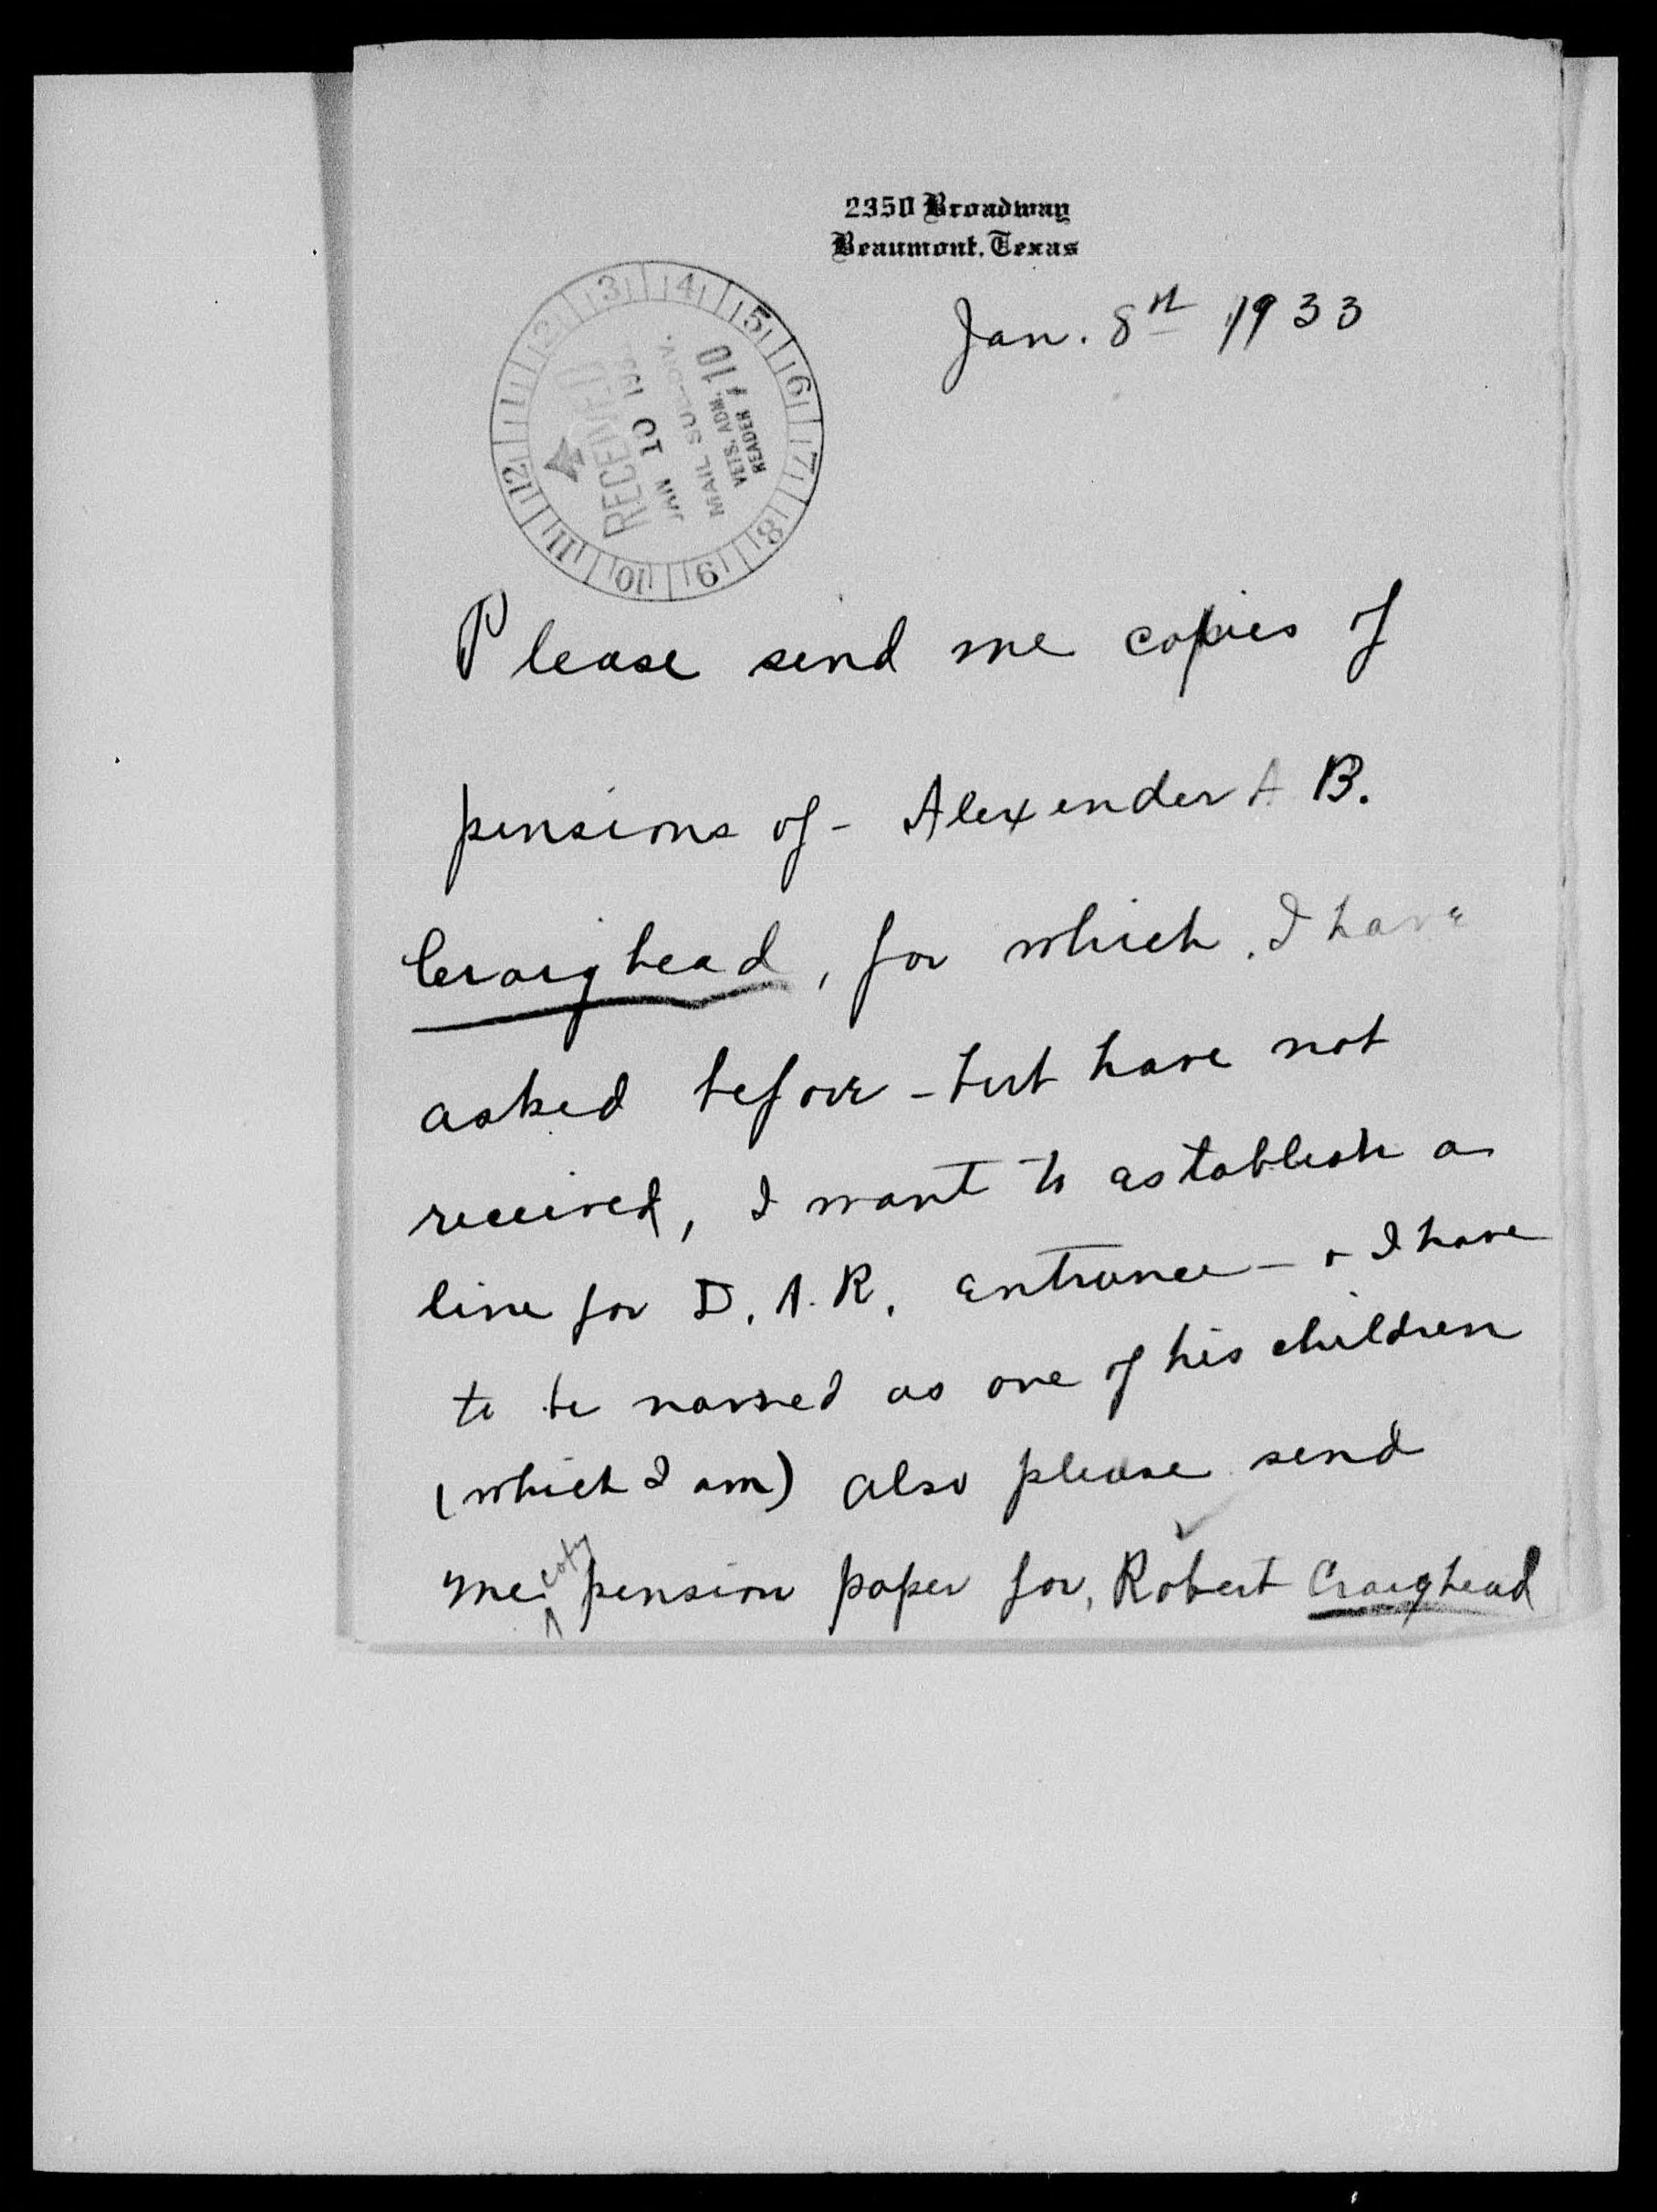2350 Broadway
Beaumont, Texas
Jan. 8th 1933

RECEIVED
Jan 10 1933
MAIL SUB-DIV
VETS. ADM 10
READER

Please send me copies of
pension of Alexander A. B Craighead
ahead, for which I have
asked before - but have not
received
1
I want to astablish a
in for D.A.R.
entrance-- I have
to be named as one of his children
(which I am)
also
please send
me  copy pension paper for, Robert Craighead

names: Robert Craighead, Alexander A B Craighead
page: 22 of 26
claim: survivor's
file: S. 352, Robert Craighead, N.C.